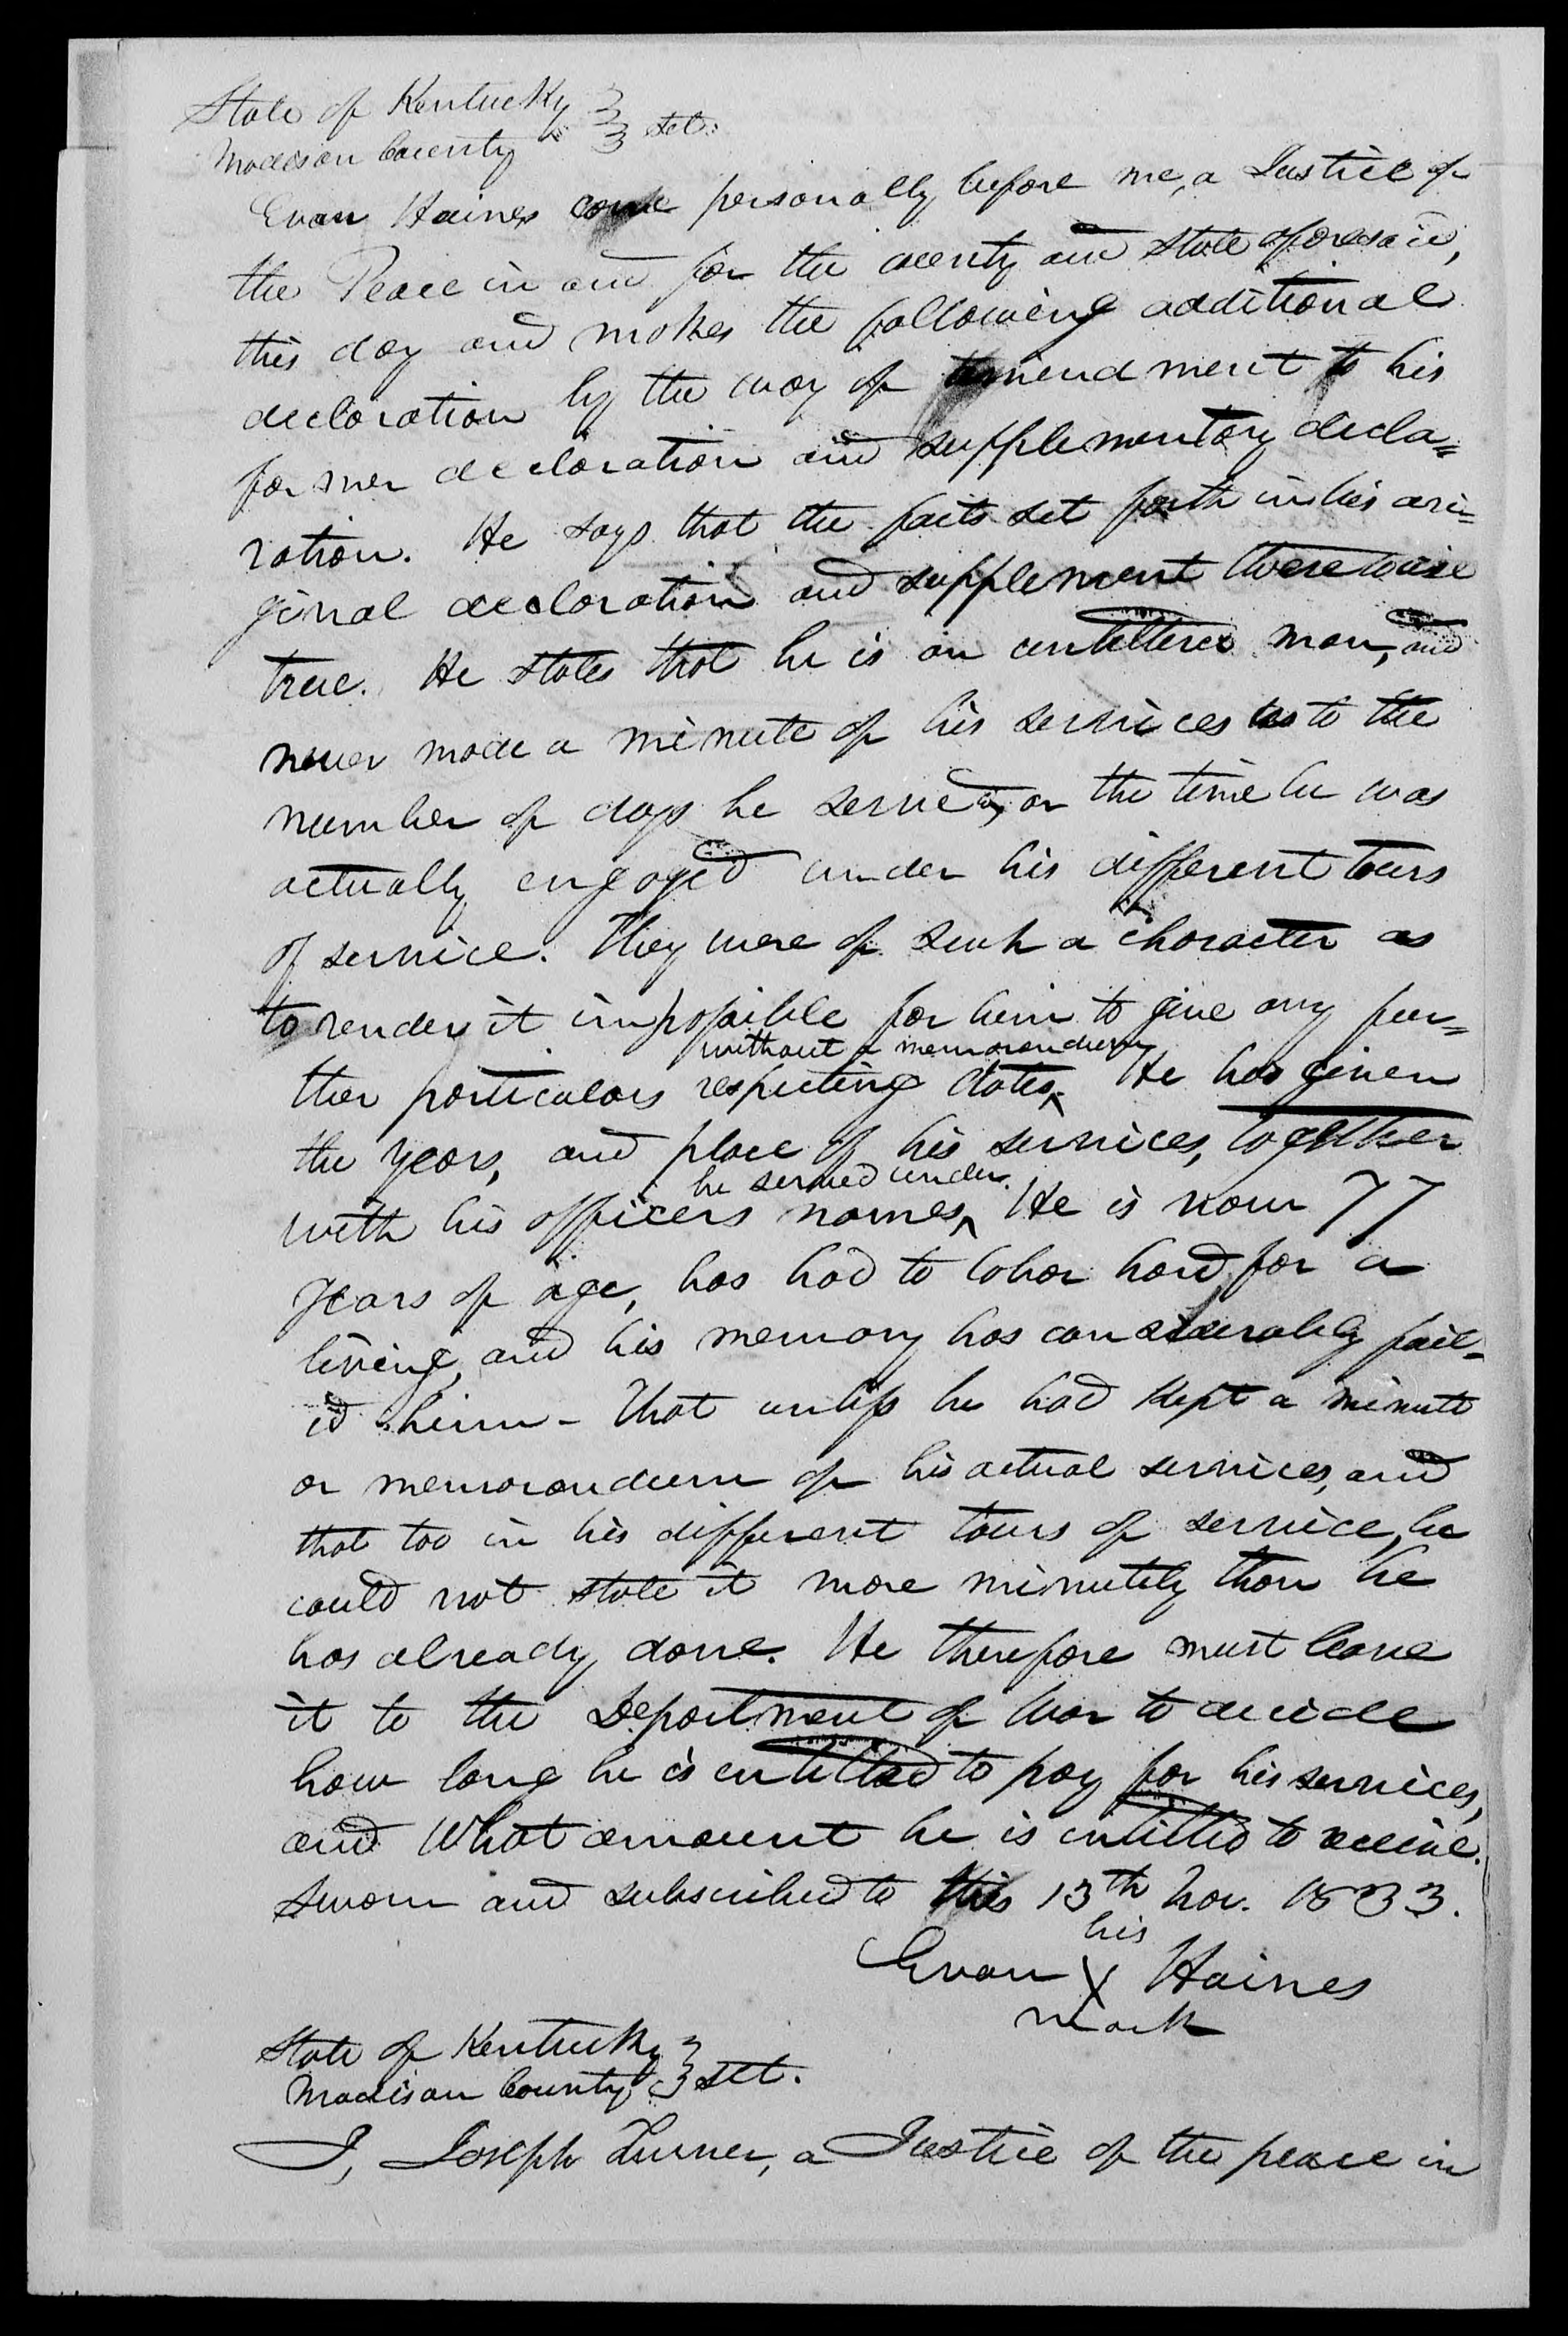State of Kentucky
Madison County  }Set.
Evan Haines came personally before me, a Justice of the Peace in and for the county and state of aforesaid, this day and makes the following additional declaration by the way of the amendment to his former declaration and supplementary declaration. He says that the facts set forth in his original declaration and supplement there are true. He states that he is a  [sp] man, and never made a minute of his services to the number of days he served as the time he was actually engaged under his different tours of service. They were of such a character as to render it improbable for his to give any further particulars reflecting dates. He has given the years, and place of his services, together with his officers names he served under. He is now 77 years of age, has had to labor hard for a living, and his memory has considerably failed him. He wishes he had kept minutes or a memorandum of his actual services, and that too in his different tours of service that he could state it more minutely than he has already done. 
He therefore must leave it to the Department of War to decide how long he is entitled to pay for his services, and what amount he is entitled to receive. Sworn and subscribed to this 13th Nov. 1833.
Evan Haines
State of Kentucky
Madison County
I, Joseph Turner, a Justice of the Peace in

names: Evan Haines, Evan Haines, Joseph Turner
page: 33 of 34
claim: widow's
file: W. 8897, Evan Haines, Ga